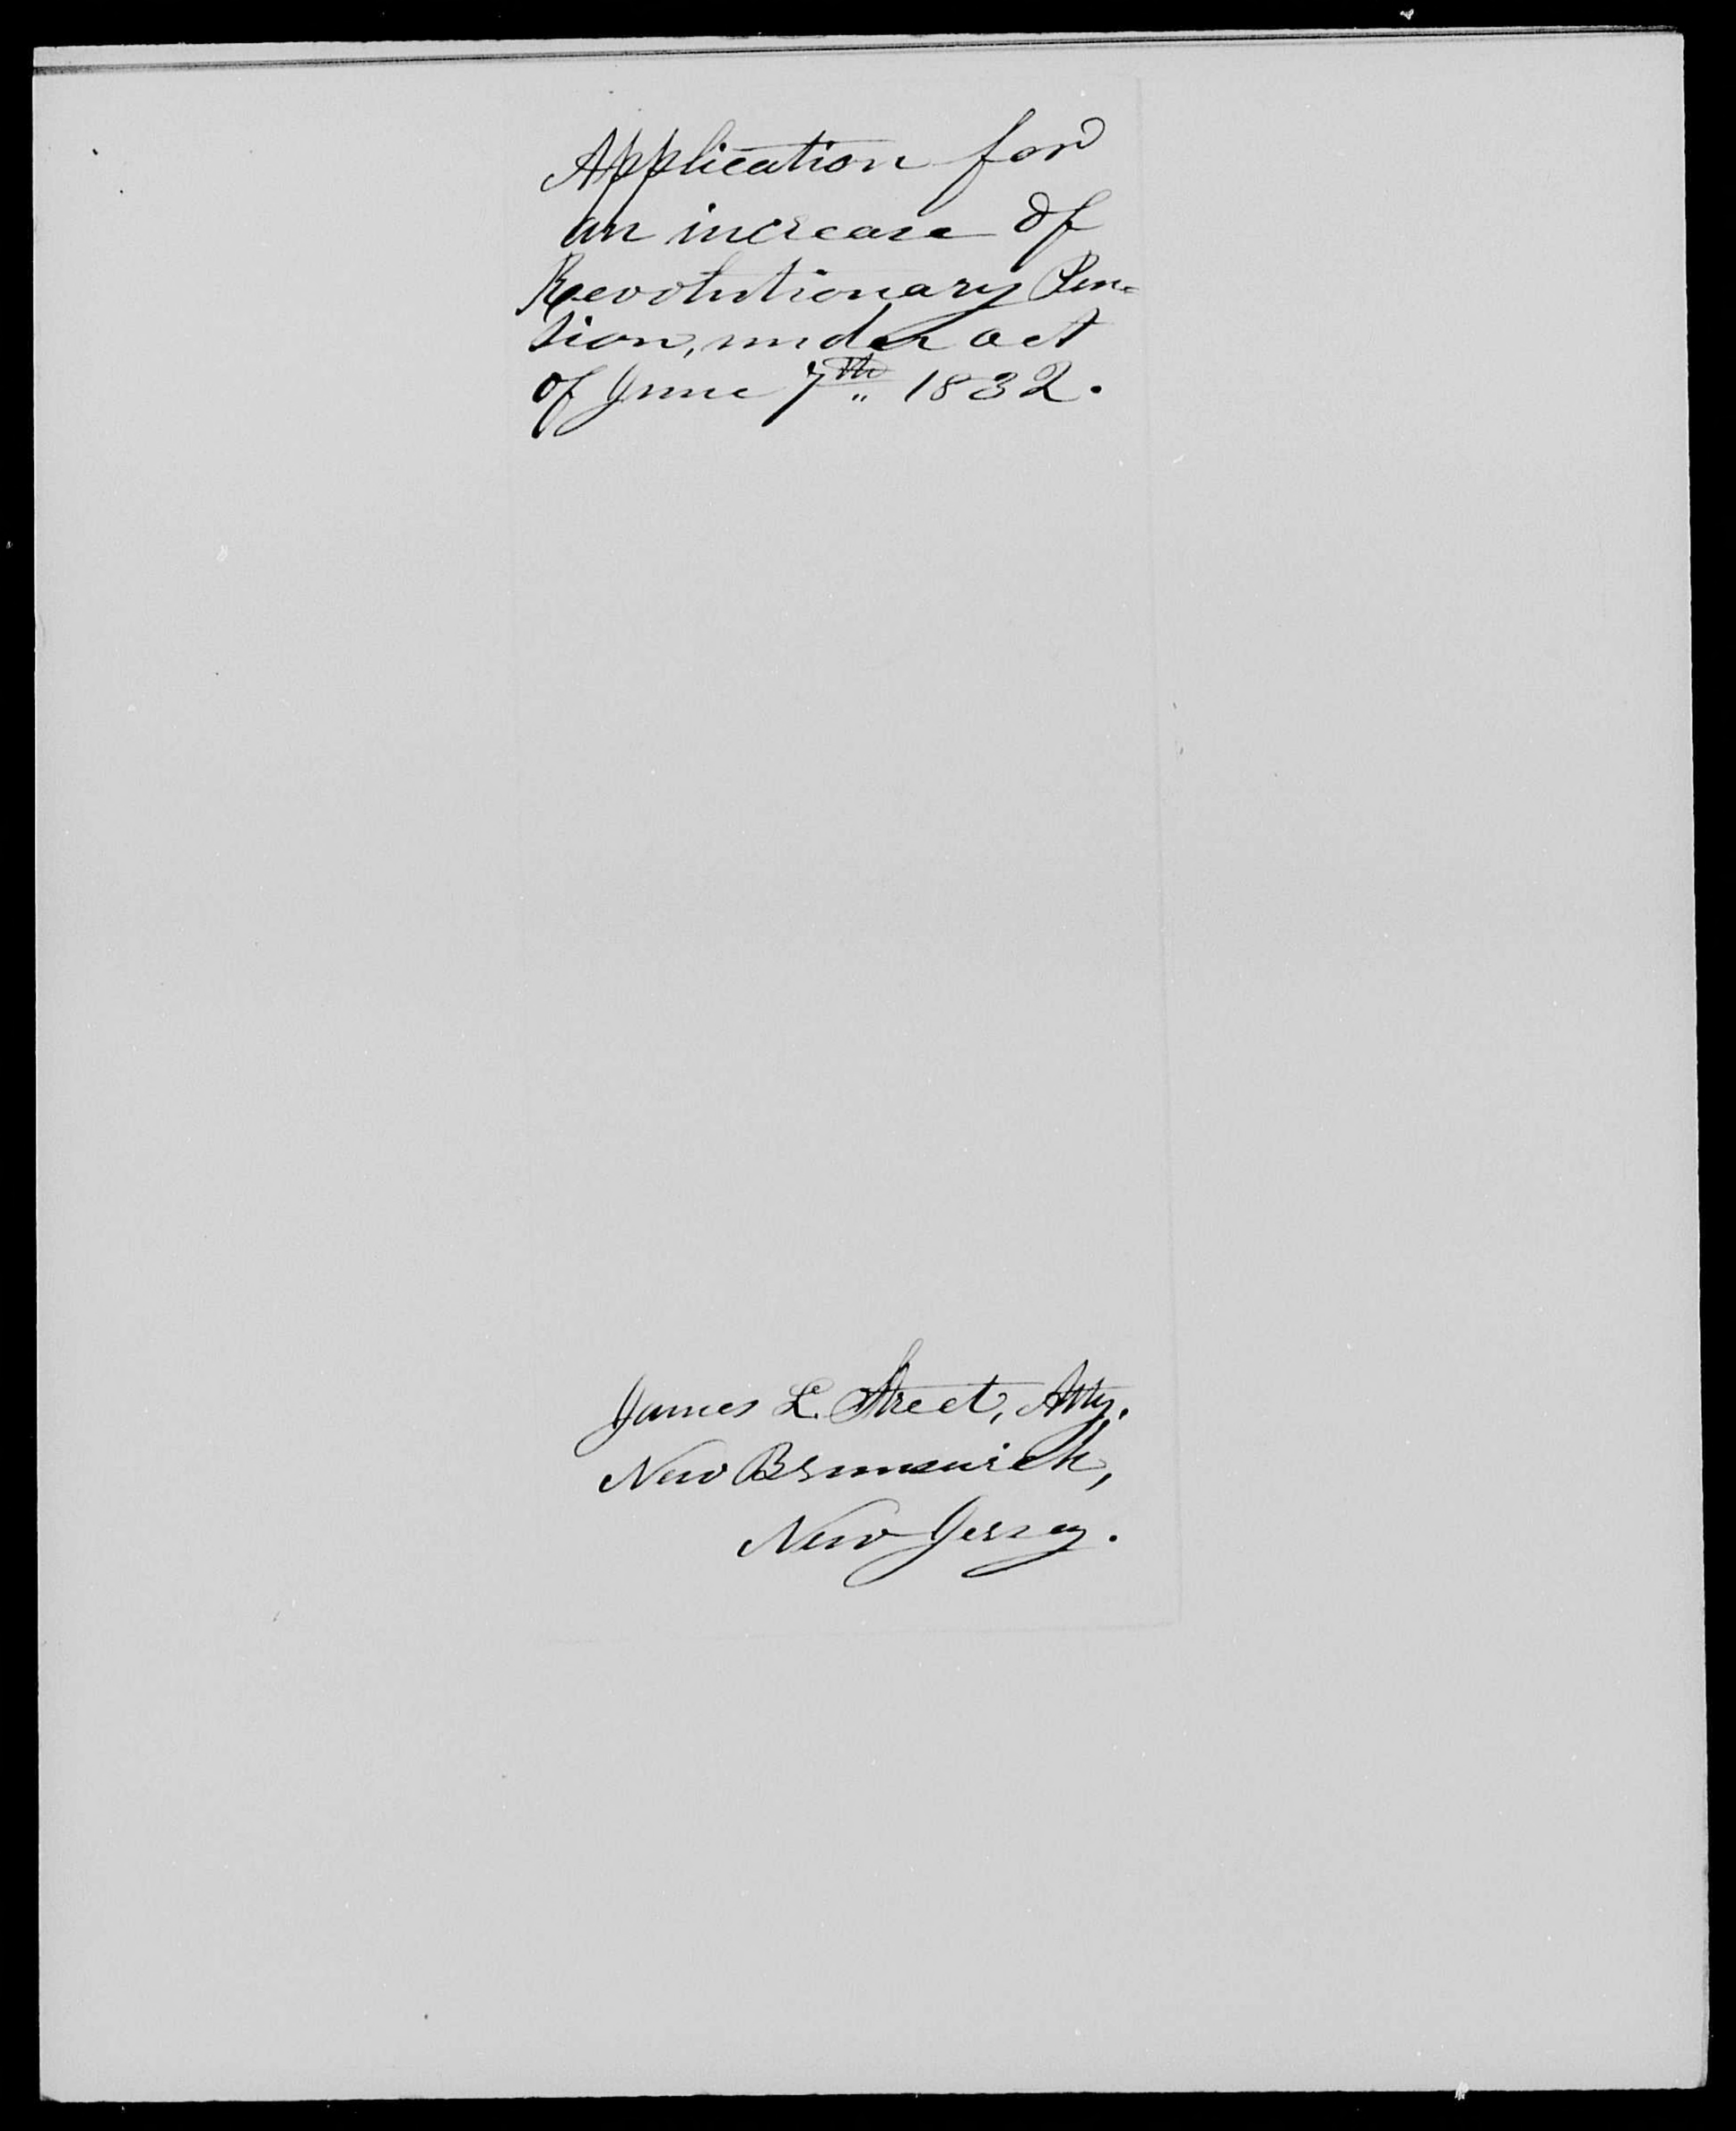Application for
an increase of
Revolutionary Pension, 
under act
of June 7th 1832.

James L. Street, Atty
New Brunswick
New Jersey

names: James L Street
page: 43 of 52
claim: widow's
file: W. 919, Joel Dunn, New Jersey